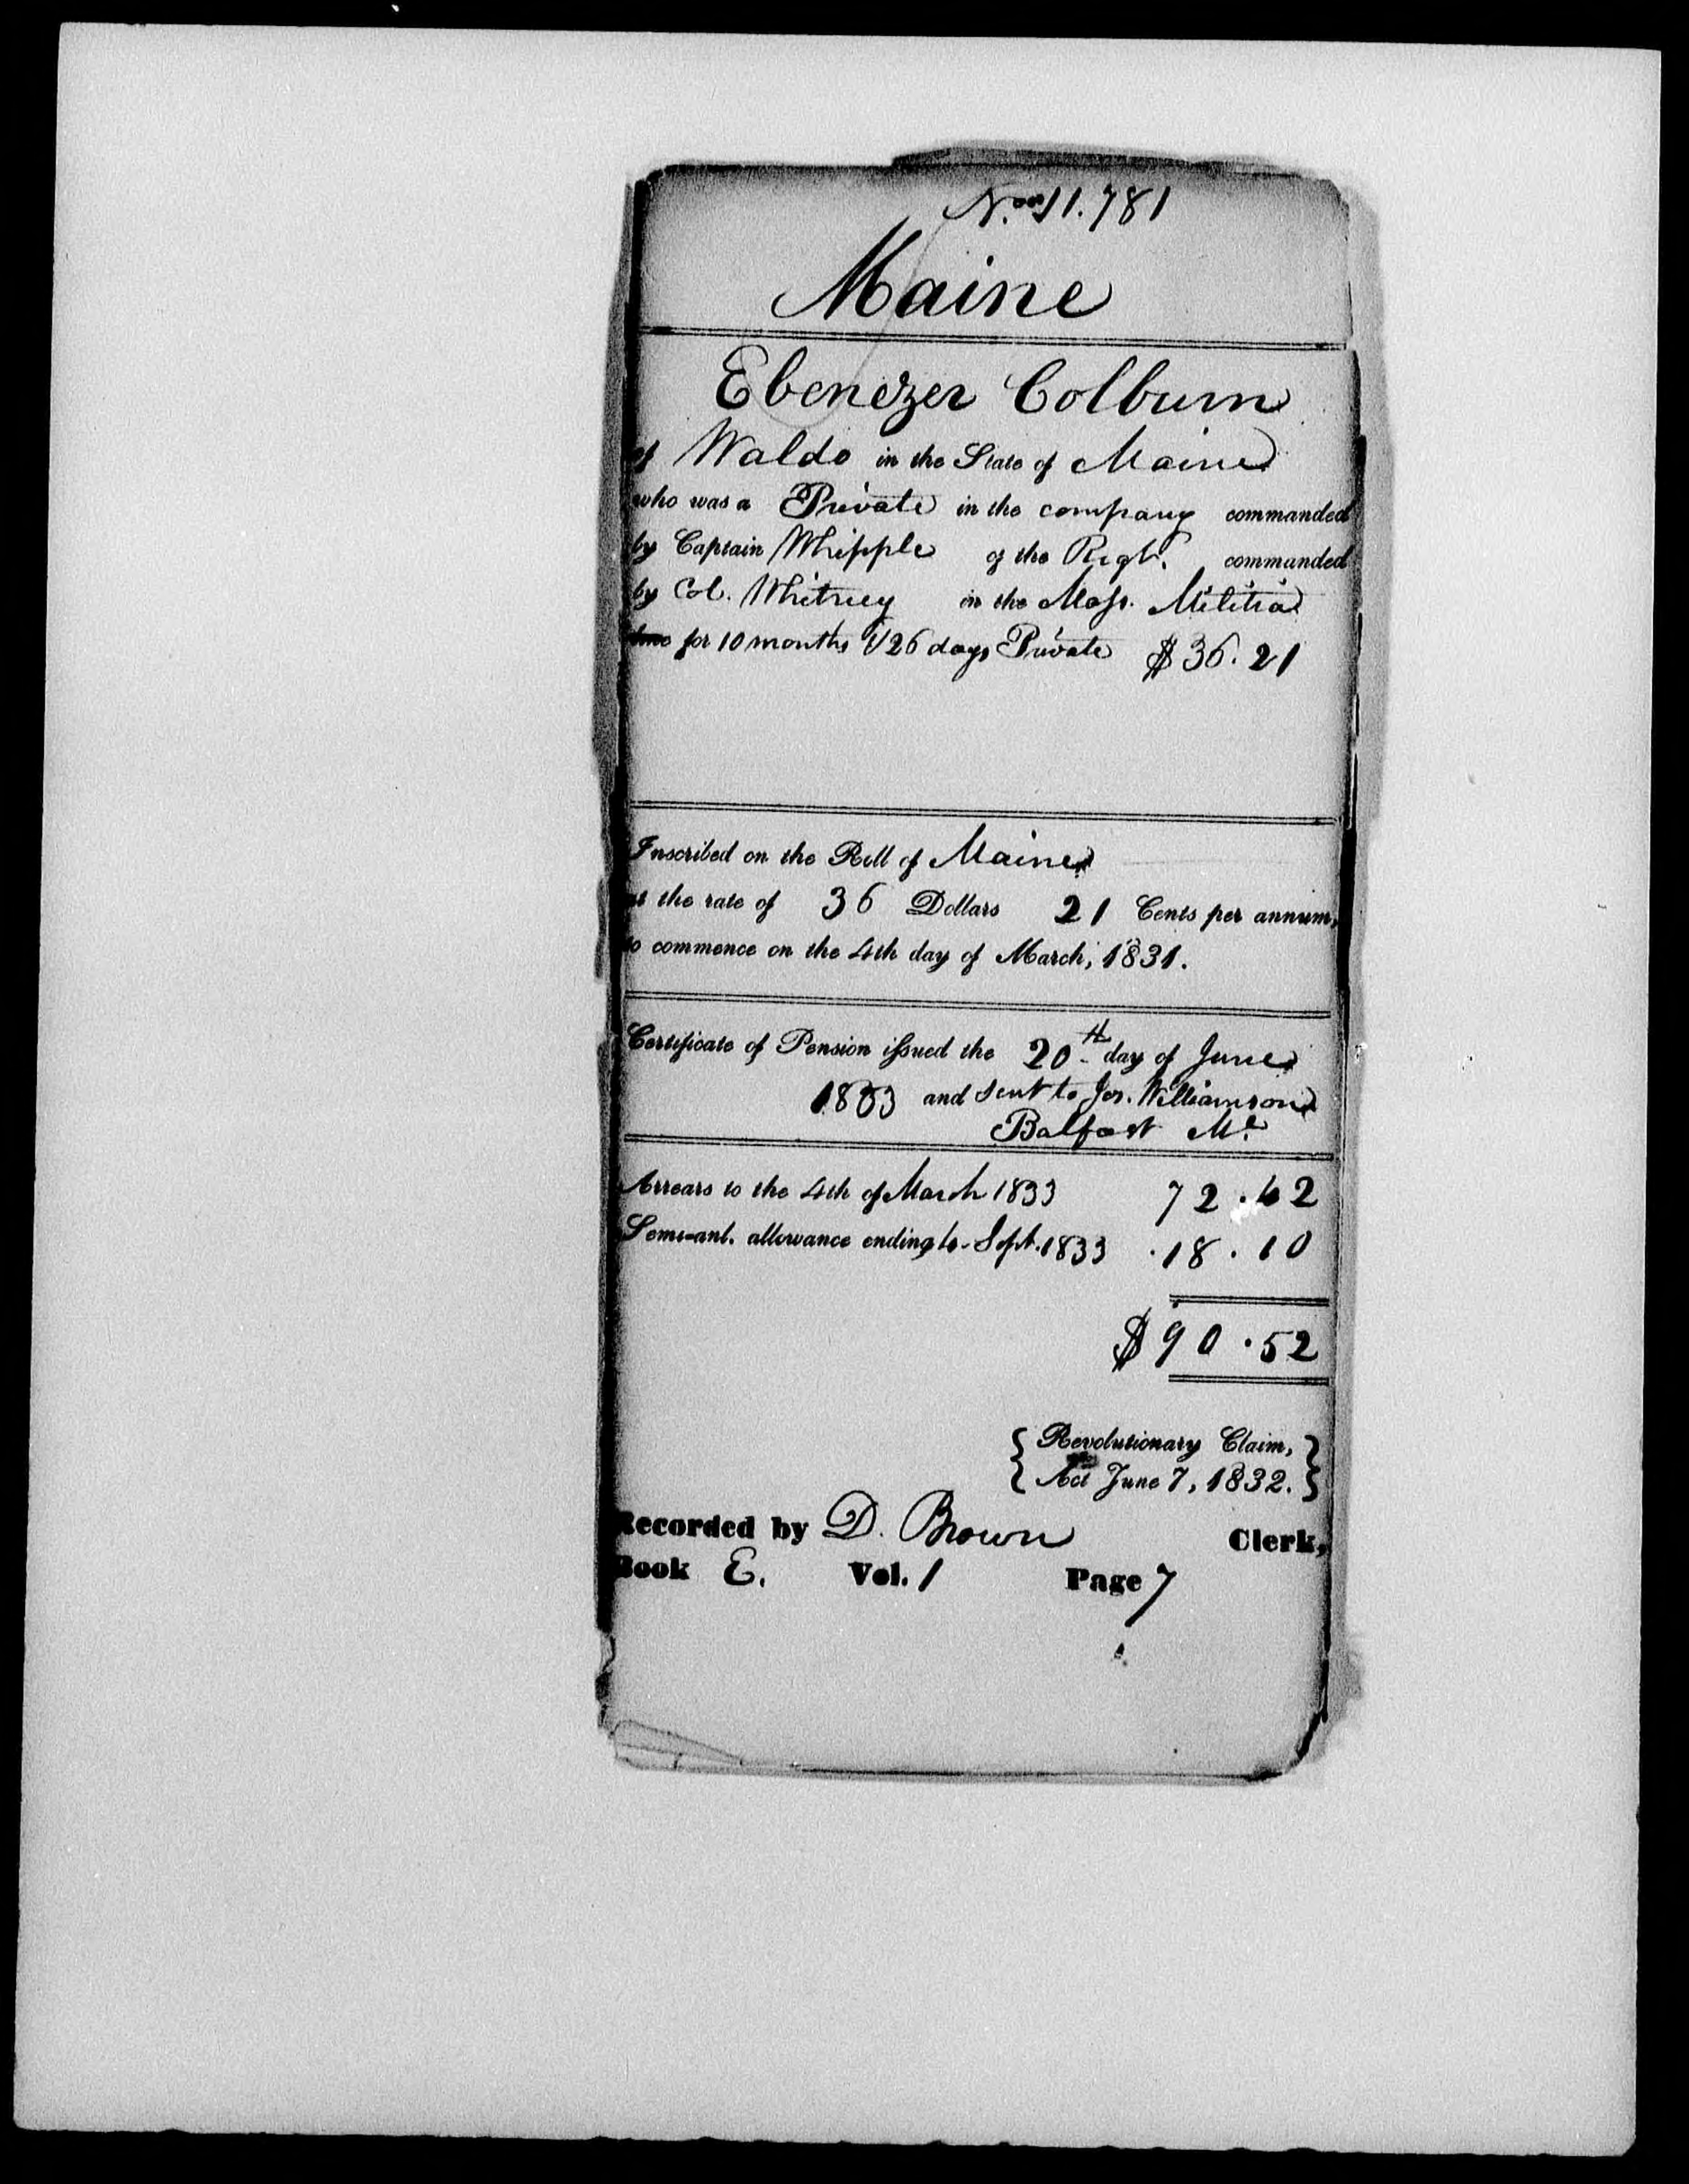No. 11.781
Maine
Ebenezer Colburn
of Waldo in the State of Maine
who was a Private in the company commanded
by Captain Whipple
of the Regt commanded 
Col. Whitney in the Mass. Militia
for 10 months & 26 days Private
$36.21

Inscribed on the Roll of Maine
the rate of 36 Dollars 21 Cents per annum
commence on the 4th day of March, 1831.

Certificate of Pension issued the 20th day of June
1833 and sent to Jos. Williamson
Belfast Me

Arrears to the 4th of March 1833
72.42

Semi anl. allowance ending 4 Sept 1833 18. 10
$90.52

{Revolutionary Claim,
Act June 7, 1832.}

Recorded by D. Brown Clerk
Book E. Vol. 1  Page 7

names: D Brown, Whipple, Ebenezer Colburn, Whitney, Jos Williamson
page: 3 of 10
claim: survivor's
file: S. 29083, Ebenezer Colburn, Mass.